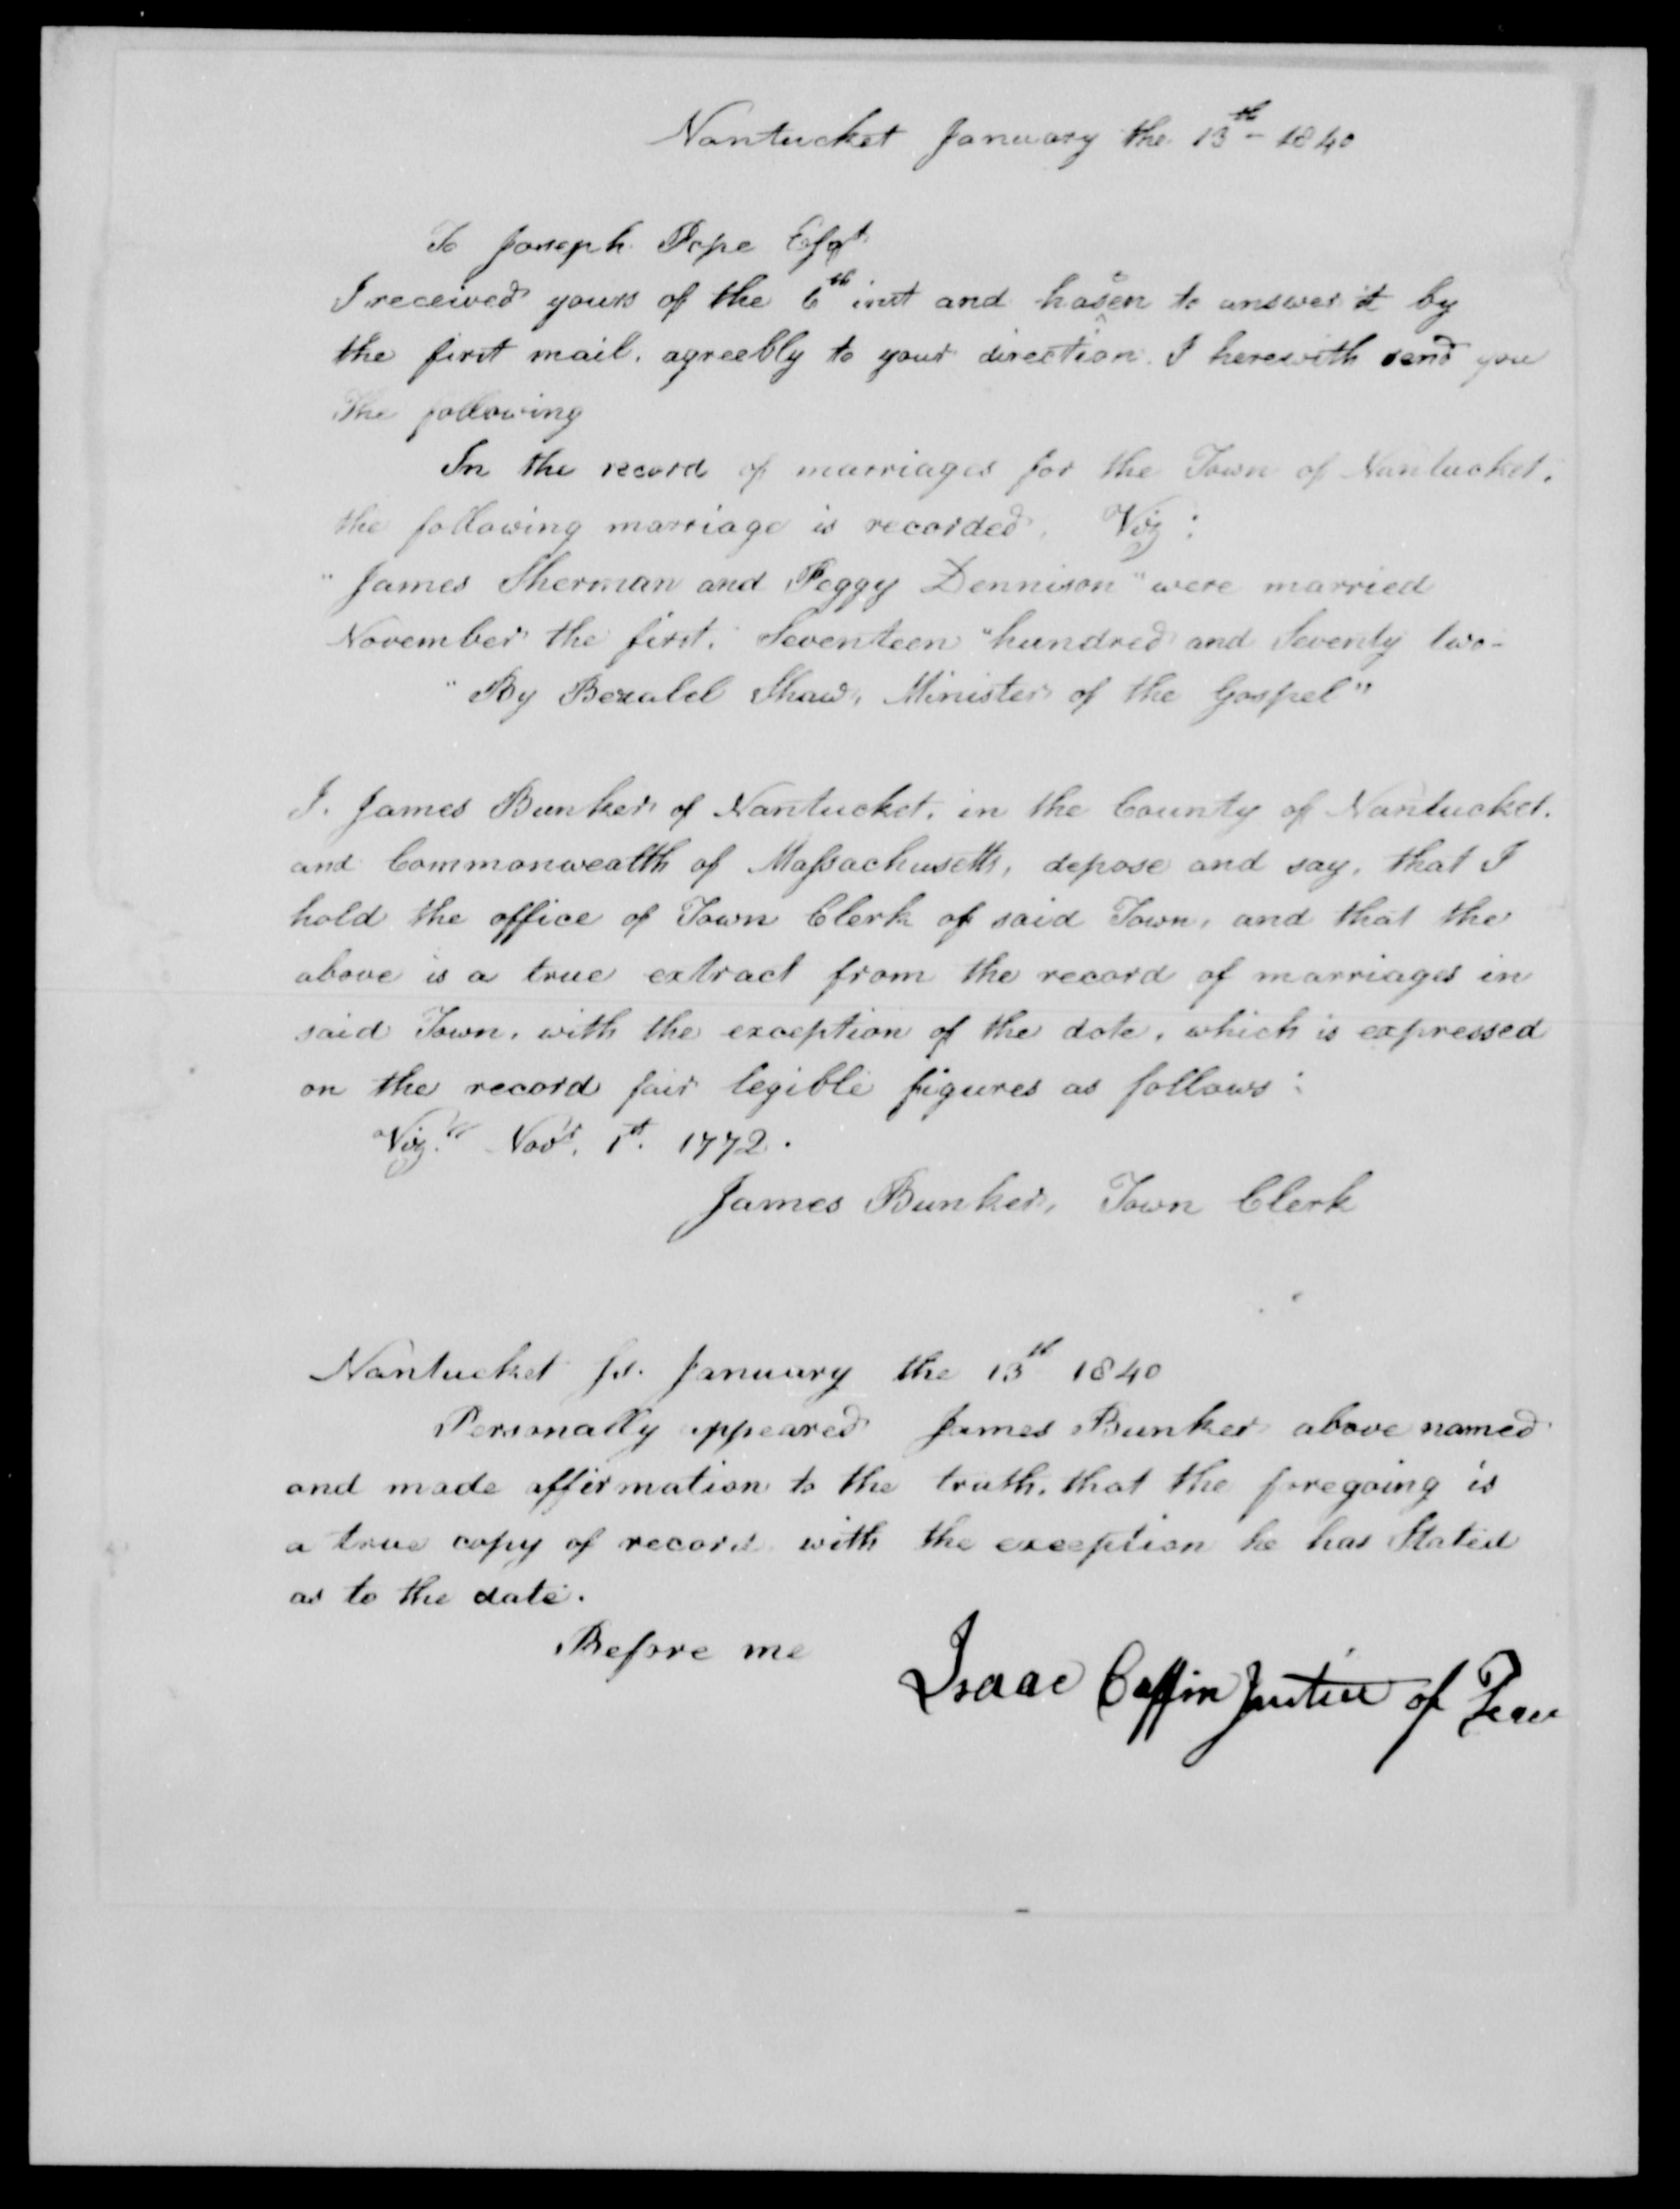[doc is written]

Nantucket January the 13th ---1840

To Joseph Pope Esqr
I received yours of the 6th inst and hasten to answer it by
the first mail agreebly to your direction. I herewith send you
The following
In the record of marriages for the Town of Nantucket,
the following marriage is recorded, Viz:
"James Sherman and Peggy Dennison were married
November the first, Seventeen hundred and Seventy two
By Bezalel Shaw, Minister of the Gospel"

I, James Bunker of Nantucket, in the County of Nantucket
and Commonwealth of Massachusetts, depose and say, that I
hold the office of Town Clerk of said Town, and that the
above is a true extract from the record of marriages in
said Town, with the exception of the date, which is expressed
on the record fair legible figures as follows:
"Viz: Novr 1st. 1772.
James Bunker, Town Clerk

Nantucket Ss January the 13th 1840
Personally appeared James Bunker above named
and made affirmation to the truth, that the foregoing is
a true copy of record with the exception he has Stated
as to the date.
Before me   Isaac Coffin Justice of Peace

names: Isaac Coffin; James Bunker; James Bunker; Bezalel Shaw; James Bunker; Peggy Dennison; James Sherman; Joseph Pope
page: 3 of 20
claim: widow's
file: W. 22,200, for James Sherman, Massachusetts